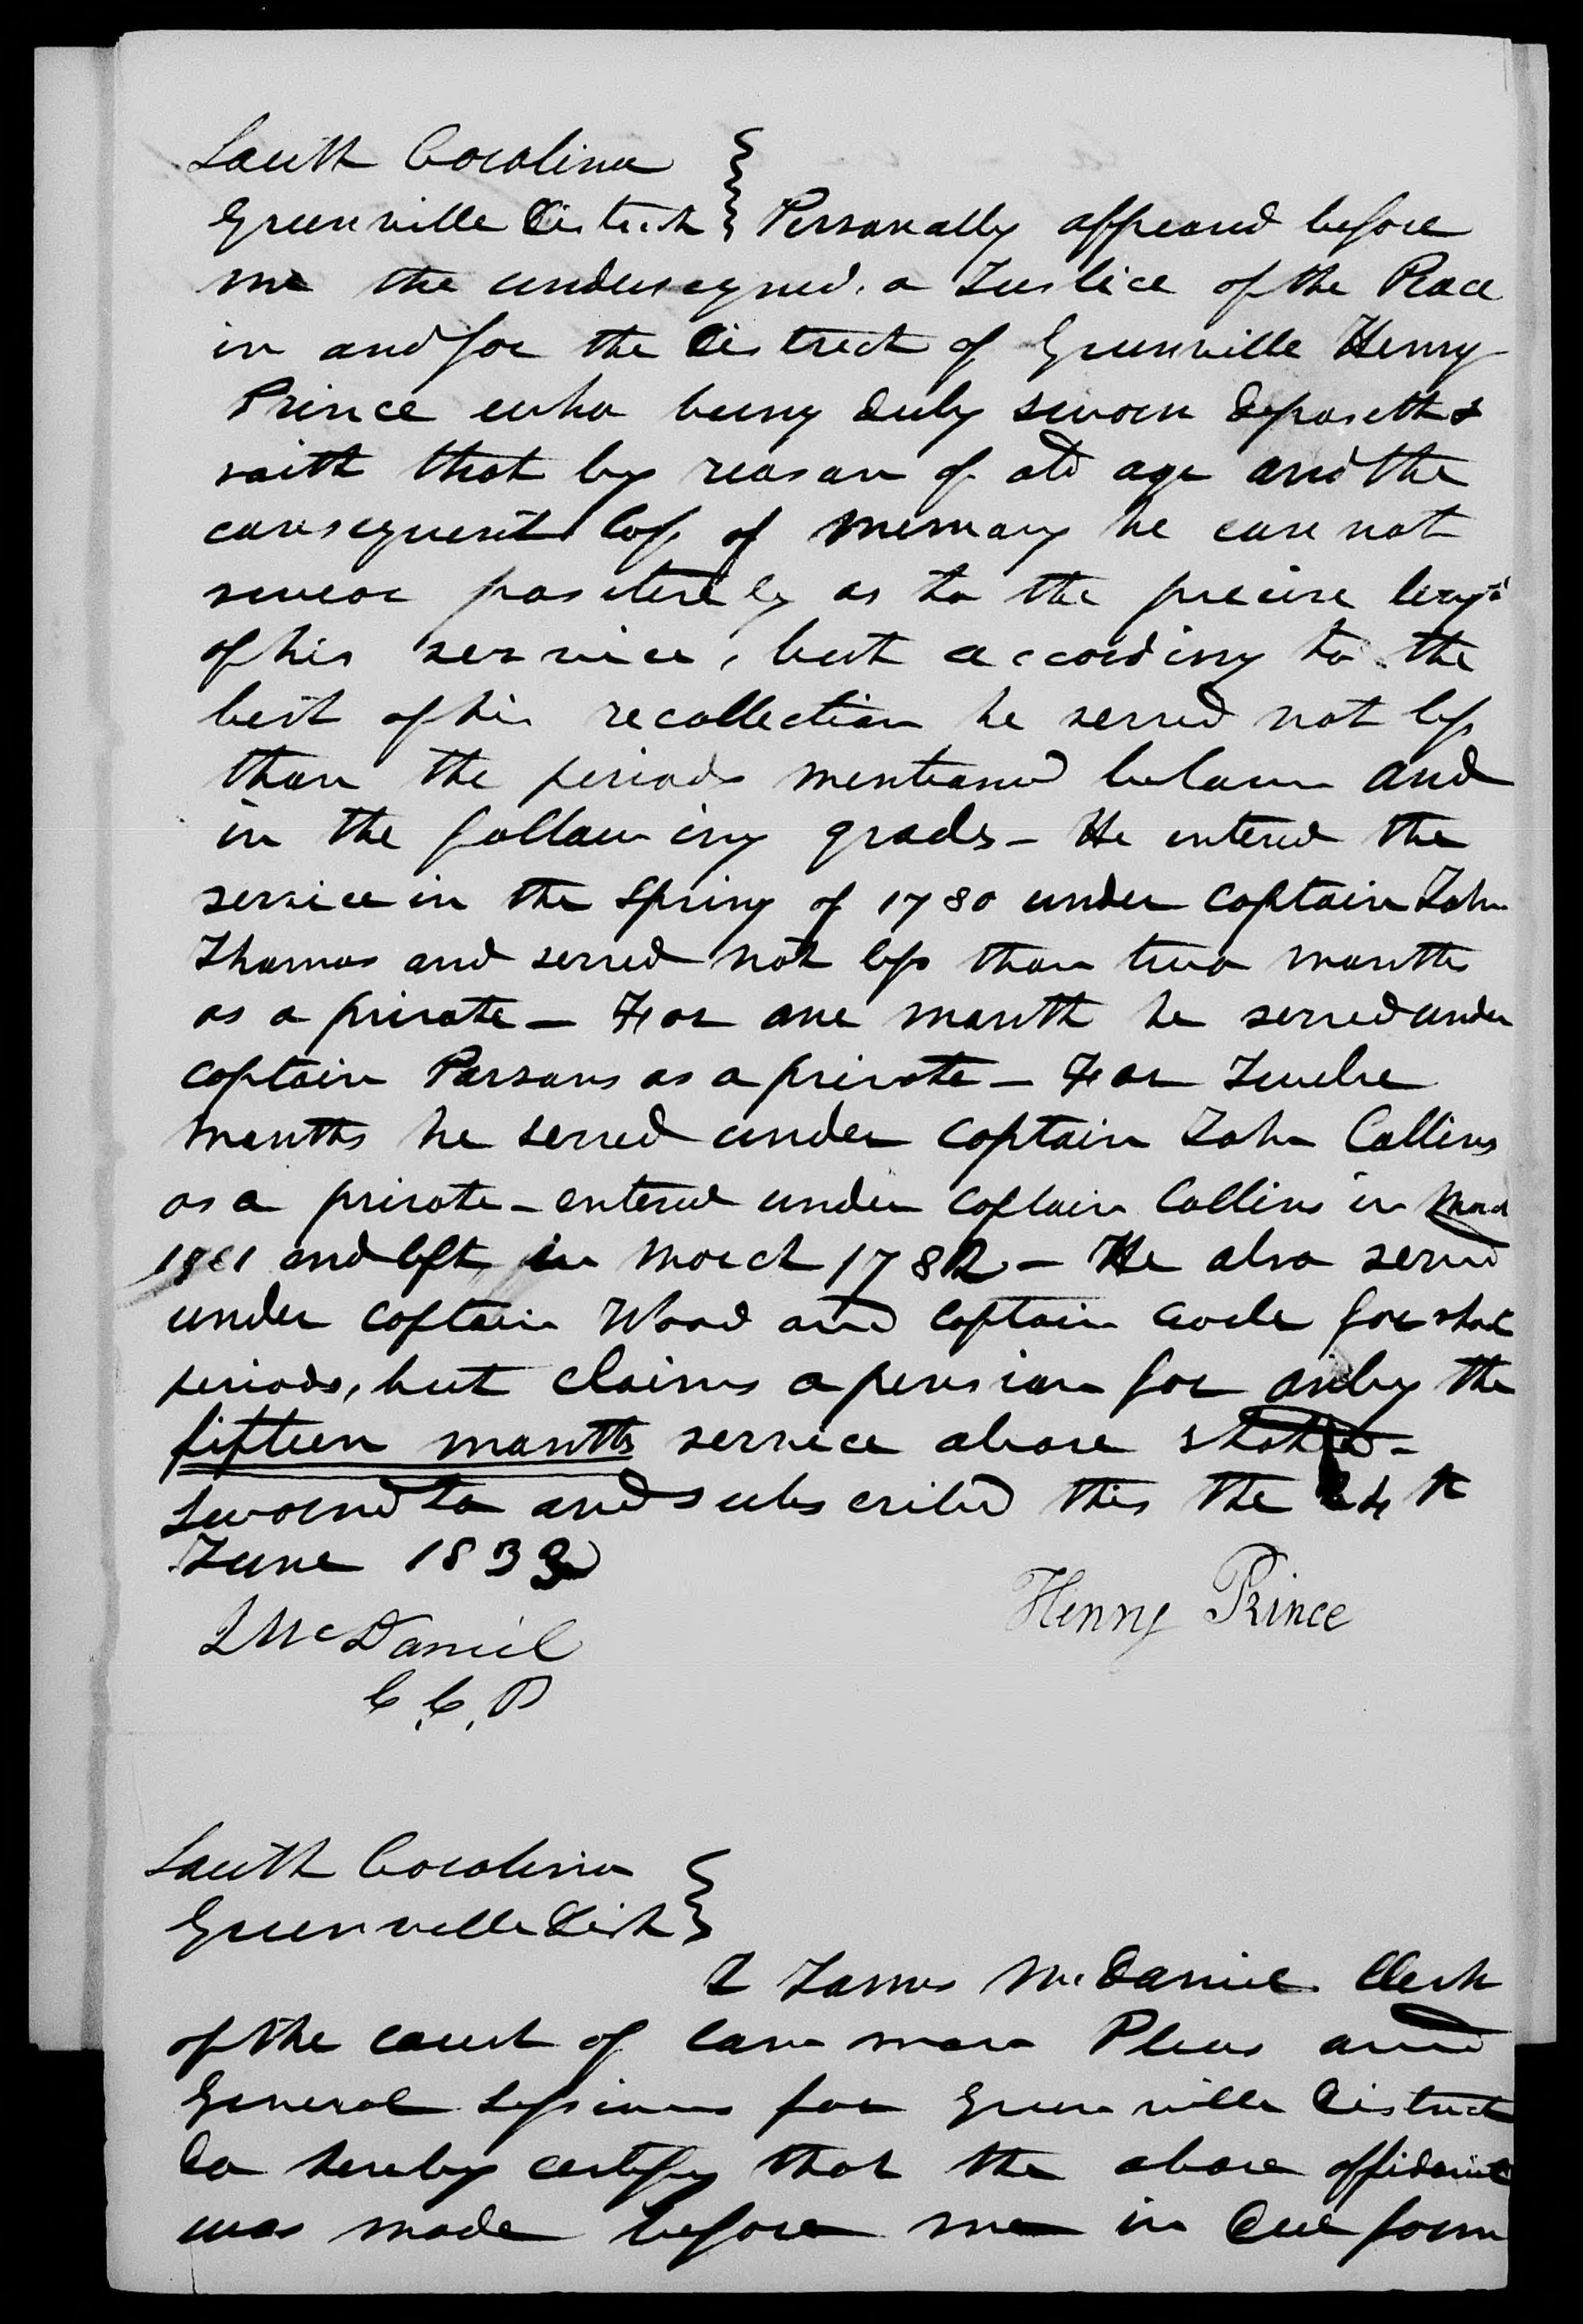[ South Carolina Greenville District ] Personally appeared before me  the undersigned a Justice of the Peace in and for the District of Greenville  Henry Prince who being duly sworn  deposeth & saith  that by reason of old age and the consequent loss of memory  he can not swear positively  as to the precise days of his service, but accordingly to the best of his recollection he served not less that the period mentioned  before and in the following grades - He entered the service in the spring of 1780 under Captain John Thomas and served not less than two months as a private - For one month he served under Captain Parsons as a private - For  twelve months he served under Captain Collins in Mar 1781 and left  him March 1782 - He also served under Captain Wood and Captain Earle for that periods , but claims a pension for only the  ( fifteen months ) ( underscored ) service above stated-  Sworn to and subscribed this the 24th June 1833.  Henry Prince ( signed )  J. McDaniel ( signed ) C.C.P.        [ South Carolina Greenville  Dist. ]  I James McDaniel Clerk of  the Court of Common Pleas and General Sessions do hereby certify that the above affidavit  was made before me in due form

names: [BLANK] Wood; John Thomas; John Collins; Henry Prince; J Mc Daniel; [BLANK] Parsons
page: 22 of 23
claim: survivor's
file: S. 18,168, for Henry Prince, South Carolina